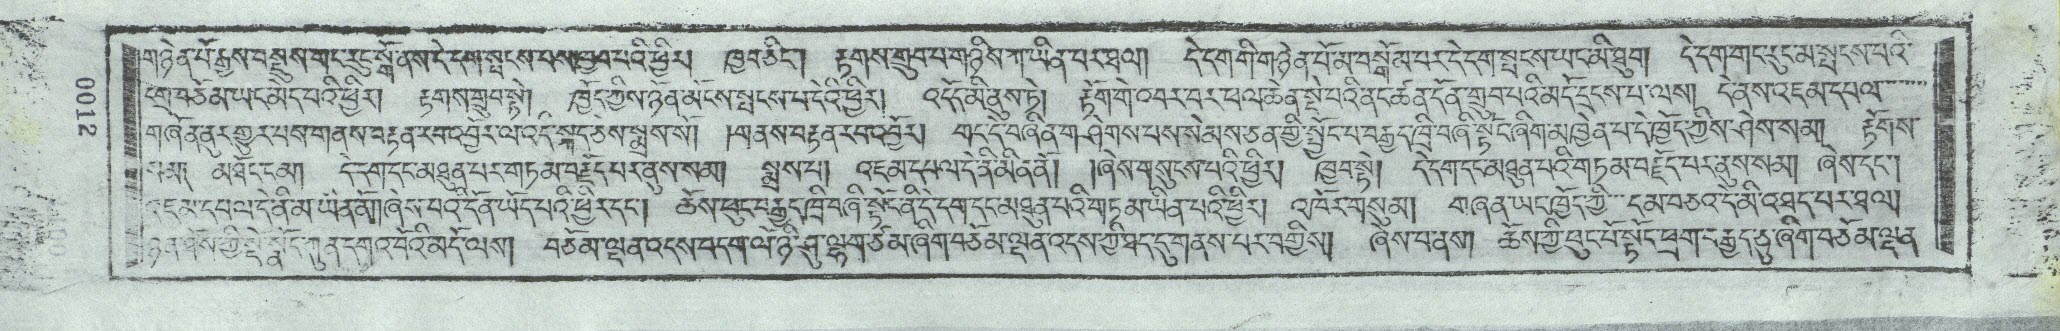གཉེན་པོ་རྒྱས་བསྡུས་གང་རུང་སྒོ་ནས་དེ་དག་སྤངས་པས་ཁྱབ་པའི་ཕྱིར། ཁྱབ་ཅིང་། རྟགས་གྲུབ་པ་གཉིས་ཀ་ཡིན་པར་ཐལ། དེ་དག་གི་གཉེན་པོ་མ་བསྒོམ་པར་དེ་དག་སྤངས་ཡང་མི་ཐུབ། དེ་དག་གང་རུང་མ་སྤངས་པའི་
དགྲ་བཅོམ་ཡང་མེད་པའི་ཕྱིར། རྟགས་གྲུབ་སྟེ། ཁྱོད་ཀྱིས་ཉོན་མོངས་སྤངས་པ་དེའི་ཕྱིར། འདོད་མི་ནུས་ཏེ། རྟོག་གེ་འབར་བར་ཕལ་ཆེན་སྡེ་པའི་ནང་ཚན་དོན་གྲུབ་པའི་མདོ་དྲངས་པ་ལས། དེ་ནས་འཇམ་དཔལ་
གཞོན་ནུར་གྱུར་པས་གནས་བརྟན་རབ་འབྱོར་ལ་འདི་སྐད་ཅེས་སྨྲས་སོ། །གནས་བརྟན་རབ་འབྱོར། གང་དེ་བཞིན་གཤེགས་པས་སེམས་ཅན་གྱི་སྤྱོད་པ་བརྒྱད་ཁྲི་བཞི་སྟོང་ཞིག་མཁྱེན་པ་དེ་ཁྱོད་ཀྱིས་ཤེས་སམ། རྟོགས་
སམ༑ མཐོང་ངམ། དེ་དག་དང་མཐུན་པར་གཏམ་བརྗོད་པར་ནུས་སམ། སྨྲས་པ། འཇམ་དཔལ་དེ་ནི་མིན་ནོ། །ཞེས་གསུངས་པའི་ཕྱིར། ཁྱབ་སྟེ། དེ་དག་དང་མཐུན་པའི་གཏམ་བརྗོད་པར་ནུས་སམ། ཞེས་དང་།
འཇམ་དཔལ་དེ་ནི་མ་ཡིན་ནོ། །ཞེས་པའི་དོན་ཡོད་པའི་ཕྱིར་དང་། ཆོས་ཕུང་བརྒྱད་ཁྲི་བཞི་སྟོང་ནི་དེ་དག་དང་མཐུན་པའི་གཏམ་ཡིན་པའི་ཕྱིར། འཁོར་གསུམ། གཞན་ཡང་ཁྱོད་ཀྱི་དམ་བཅའ་དེ་མི་འཐད་པར་ཐལ།
ཉན་ཐོས་ཀྱི་སྡེ་སྣོད་ཀུན་དགའ་བོའི་མདོ་ལས། བཅོམ་ལྡན་འདས་བདག་ལོ་ཉི་ཤུ་ལྷག་ཙམ་ཞིག་བཅོམ་ལྡན་འདས་ཀྱི་ཐད་དུ་གནས་པར་བགྱིས། ཞེས་པ་ནས། ཆོས་ཀྱི་ཕུང་པོ་སྟོང་ཕྲག་བརྒྱད་ཅུ་ཞིག་བཅོམ་ལྡན་